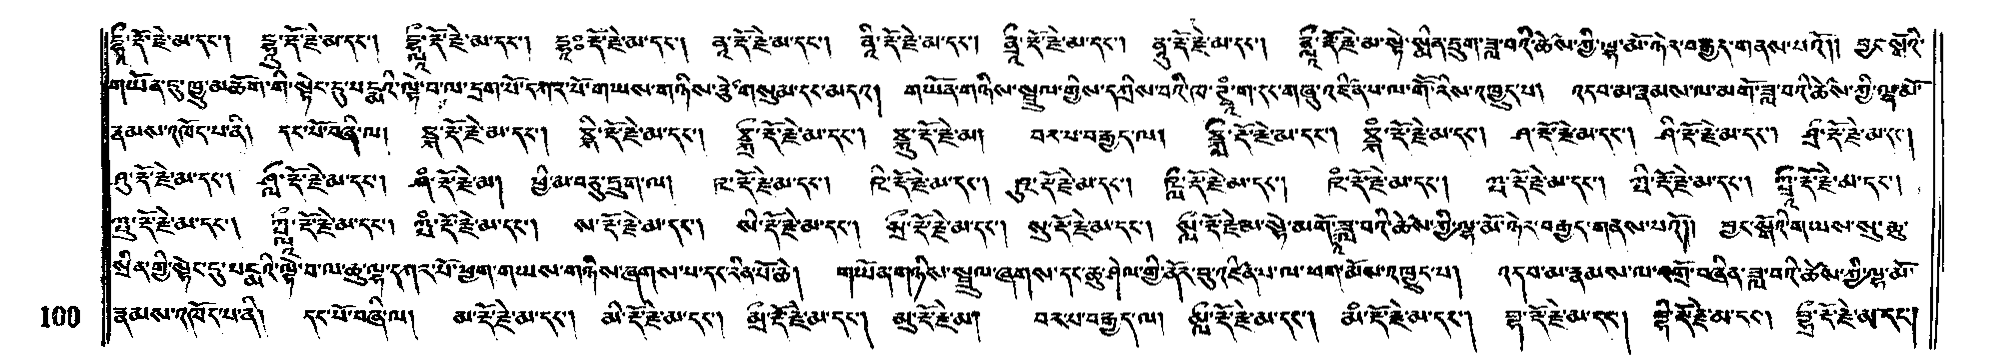དྷཱྀ་རྡོ་རྗེ་མ་དང་། དྷཱུ་རྡོ་རྗེ་མ་དང་། དྷླཱྀ་རྡོ་རྗེ་མ་དང་། དྷཱཿ རྡོ་རྗེ་མ་དང་། ནཱ་རྡོ་རྗེ་མ་དང་། ནཱི་རྡོ་རྗེ་མ་དང་། ནྲཱྀ་རྡོ་རྗེ་མ་དང་། ནཱུ་རྡོ་རྗེ་མ་དང་། ནླཱྀ་རྡོ་རྗེ་མ་སྟེ་སྨིན་དྲུག་ཟླ་བའི་ཚེས་ཀྱི་ལྷ་མོ་ཉེར་བརྒྱད་གནས་པའོ།། བྱང་སྒོའི་
གཡོན་དུ་ཁྱུ་མཆོག་གི་སྟེང་དུ་པདམའི་ལྟེ་བ་ལ་དྲག་པོ་དཀར་པོ་གཡས་གཉིས་རྩེ་གསུམ་དང་མདའ། གཡོན་གཉིས་སྦྲུལ་གྱིས་དཀྲིས་པའི་ཁ་ཊྭཱཾ་ག་དང་གཞུ་འཛིན་པ་ལ་གཽ་རིས་འཁྱུད་པ། འདབ་མ་རྣམས་ལ་མགོ་ཟླ་བའི་ཚེས་ཀྱི་ལྷ་མོ་
རྣམས་འཁོད་པ་ནི། དང་པོ་བཞི་ལ། ྾ཀ?་རྡོ་རྗེ་མ་དང་། ྾ཀི?་རྡོ་རྗེ་མ་དང་། ྾ཀྲྀ?་རྡོ་རྗེ་མ་དང་། ྾ཀུ?་རྡོ་རྗེ་མ། བར་པ་བརྒྱད་ལ། ྾ཀླྀ?་རྡོ་རྗེ་མ་དང་། ྾ཀཾ?་རྡོ་རྗེ་མ་དང་། ཤ་རྡོ་རྗེ་མ་དང་། ཤི་རྡོ་རྗེ་མ་དང་། ཤྲྀ་རྡོ་རྗེ་མ་དང་།
ཤུ་རྡོ་རྗེ་མ་དང་། ཤླྀ་རྡོ་རྗེ་མ་དང་། ཤཾ་རྡོ་རྗེ་མ། ཕྱི་མ་བཅུ་དྲུག་ལ། ཥ་རྡོ་རྗེ་མ་དང་། ཥི་རྡོ་རྗེ་མ་དང་། ཥུ་རྡོ་རྗེ་མ་དང་། ཥླྀ་རྡོ་རྗེ་མ་དང་། ཥཾ་རྡོ་རྗེ་མ་དང་། ཉྤ?་རྡོ་རྗེ་མ་དང་། ?ཀྤི་རྡོ་རྗེ་མ་དང་། ?ཀྤྲཱྀ་རྡོ་རྗེ་མ་དང་།
ཉྤུ?་རྡོ་རྗེ་མ་དང་། ?ཀྤླཱྀ་རྡོ་རྗེ་མ་དང་། ?ཉྤཾ་རྡོ་རྗེ་མ་དང་། ས་རྡོ་རྗེ་མ་དང་། སི་རྡོ་རྗེ་མ་དང་། སྲྀ་རྡོ་རྗེ་མ་དང་། སུ་རྡོ་རྗེ་མ་དང་། སླྀ་རྡོ་རྗེ་མ་སྟེ་མགོའི?་ཟླ་བའི་ཚེས་ཀྱི་ལྷ་མོ་ཉེར་བརྒྱད་གནས་པའོ།། བྱང་སྒོའི་གཡས་སུ་ཆུ་
སྲིན་གྱི་སྟེང་དུ་པདམའི་ལྟེ་བ་ལ་ཆུ་ལྷ་དཀར་པོ་ཕྱག་གཡས་གཉིས་ཞགས་པ་དང་རིན་པོ་ཆེ། གཡོན་གཉིས་སྦྲུལ་ཞགས་དང་ཆུ་ཤེལ་གྱི་ནོར་བུ་འཛིན་པ་ལ་ཕག་མོས་འཁྱུད་པ། འདབ་མ་རྣམས་ལ་འགྲོ་བཞིན་ཟླ་བའི་ཚེས་ཀྱི་ལྷ་མོ་
རྣམས་འཁོད་པ་ནི། དང་པོ་བཞི་ལ། མ་རྡོ་རྗེ་མ་དང་། མི་རྡོ་རྗེ་མ་དང་། མྲྀ་རྡོ་རྗེ་མ་དང་། མུ་རྡོ་རྗེ་མ། བར་པ་བརྒྱད་ལ། མླྀ་རྡོ་རྗེ་མ་དང་། མཾ་རྡོ་རྗེ་མ་དང་། བྷ་རྡོ་རྗེ་མ་དང་། བྷ་རྡོ་རྗེ་མ་དང་། བྷྲྀ་རྡོ་རྗེ་མ་དང་།